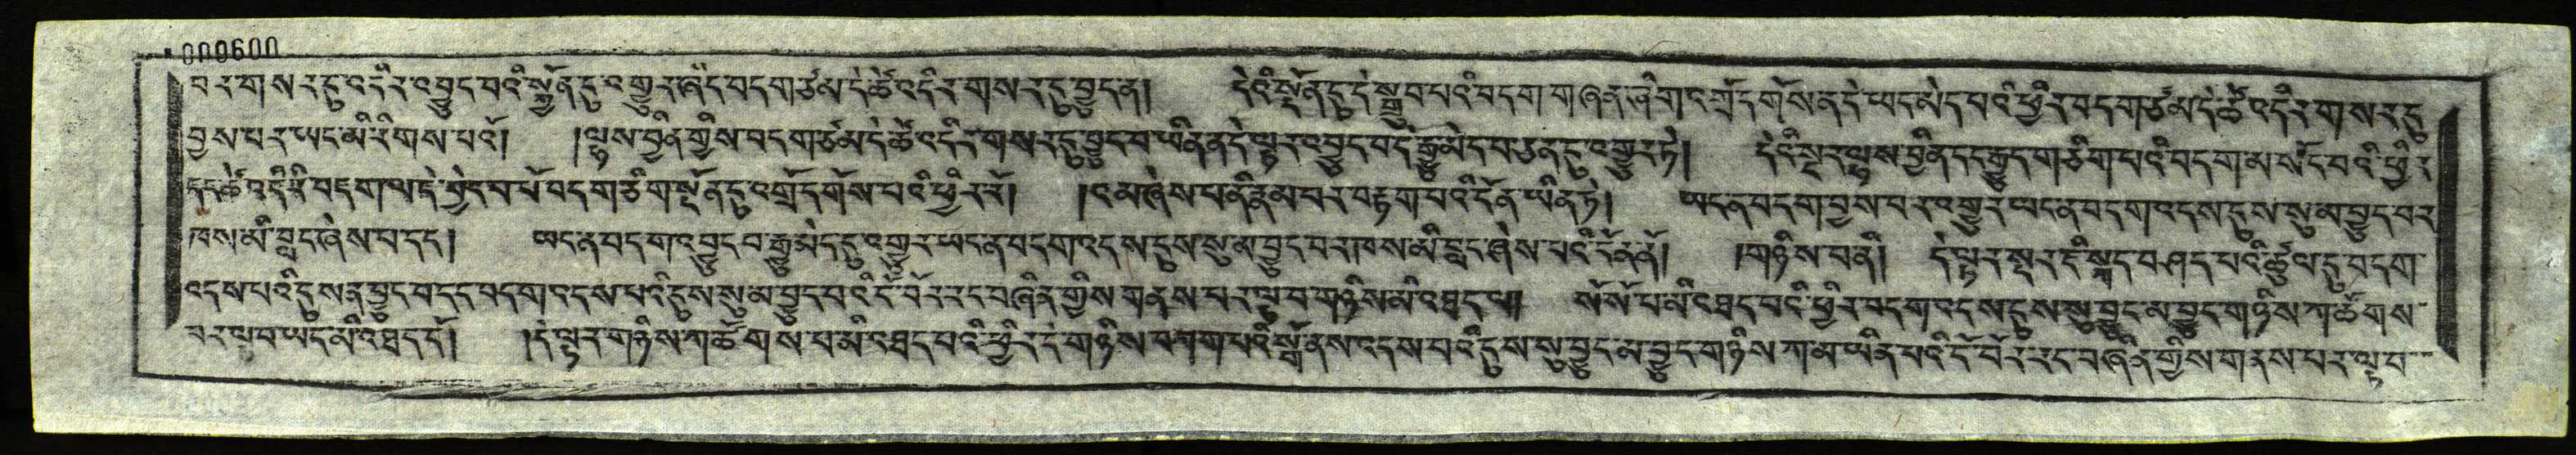བར་གསར་དུ་འདིར་འབྱུང་བའི་སྐྱོན་དུ་འགྱུར་ཞིང་བདག་ཙམ་དེ་ཚེ་འདིར་གསར་དུ་བྱུང་ན། དེའི་སྔོན་དུ་དེ་སྒྲུབ་པའི་བདག་གཞན་ཞིག་འགྲོ་དགོས་ན་དེ་ཡང་མེད་པའི་ཕྱིར་བདག་ཙམ་དེ་ཚེ་འདིར་གསར་དུ་
བྱས་པར་ཡང་མི་རིགས་པའོ། །ལྷས་བྱིན་གྱིས་བདག་ཙམ་དེ་ཚེ་འདིར་གསར་དུ་བྱུང་བ་ཡིན་ན་དེ་ལྟར་འབྱུང་བ་དེ་རྒྱུ་མེད་པ་ཅན་དུ་འགྱུར་ཏེ། དེའི་སྔར་ལྷས་བྱིན་དང་རྒྱུད་གཅིག་པའི་བདག་མ་སོང་བའི་ཕྱིར་
དང་ཚེ་འདིའི་བདག་ལ་དེ་བྱེད་པ་པོ་བདག་ཅིག་སྔོན་དུ་འགྲོ་དགོས་པའི་ཕྱིར་རོ། །འམ་ཞེས་པ་ནི་རྣམ་པར་བརྟག་པའི་དོན་ཡིན་ཏེ། ཡང་ན་བདག་བྱས་པར་འགྱུར་ཡང་ན་བདག་འདས་དུས་སུ་མ་བྱུང་བར་
ཁས་མི་བླང་ཞེས་པ་དང་། ཡང་ན་བདག་འབྱུང་བ་རྒྱུ་མེད་དུ་འགྱུར་ཡང་ན་བདག་འདས་དུས་སུ་མ་བྱུང་བར་ཁས་མི་བླང་ཞེས་པའི་དོན་ནོ། །གཉིས་པ་ནི། དེ་ལྟར་སྔར་ཇི་སྐད་བཤད་པའི་ཚུལ་དུ་བདག་
འདས་པའི་དུས་ན་བྱུང་བ་དང་བདག་འདས་པའི་དུས་སུ་མ་བྱུང་བའི་ངོ་བོར་རང་བཞིན་གྱིས་གནས་བར་ལྟ་བ་གཉིས་མི་འཐད་ལ། སོ་སོ་བ་མི་འཐད་པའི་ཕྱིར་བདག་འདས་དུས་སུ་བྱུང་མ་བྱུང་གཉིས་ཀ་ཚོགས་
པར་ལྟ་བ་ཡང་མི་འཐད་དོ། །དེ་ལྟར་གཉིས་ཀ་ཚོགས་པ་མི་འཐད་པའི་ཕྱིར་དེ་གཉིས་བཀག་པའི་སྒོ་ནས་འདས་པའི་དུས་སུ་བྱུང་མ་བྱུང་གཉིས་ཀ་མ་ཡིན་པའི་ངོ་བོར་རང་བཞིན་གྱིས་གནས་པར་ལྟ་བ་